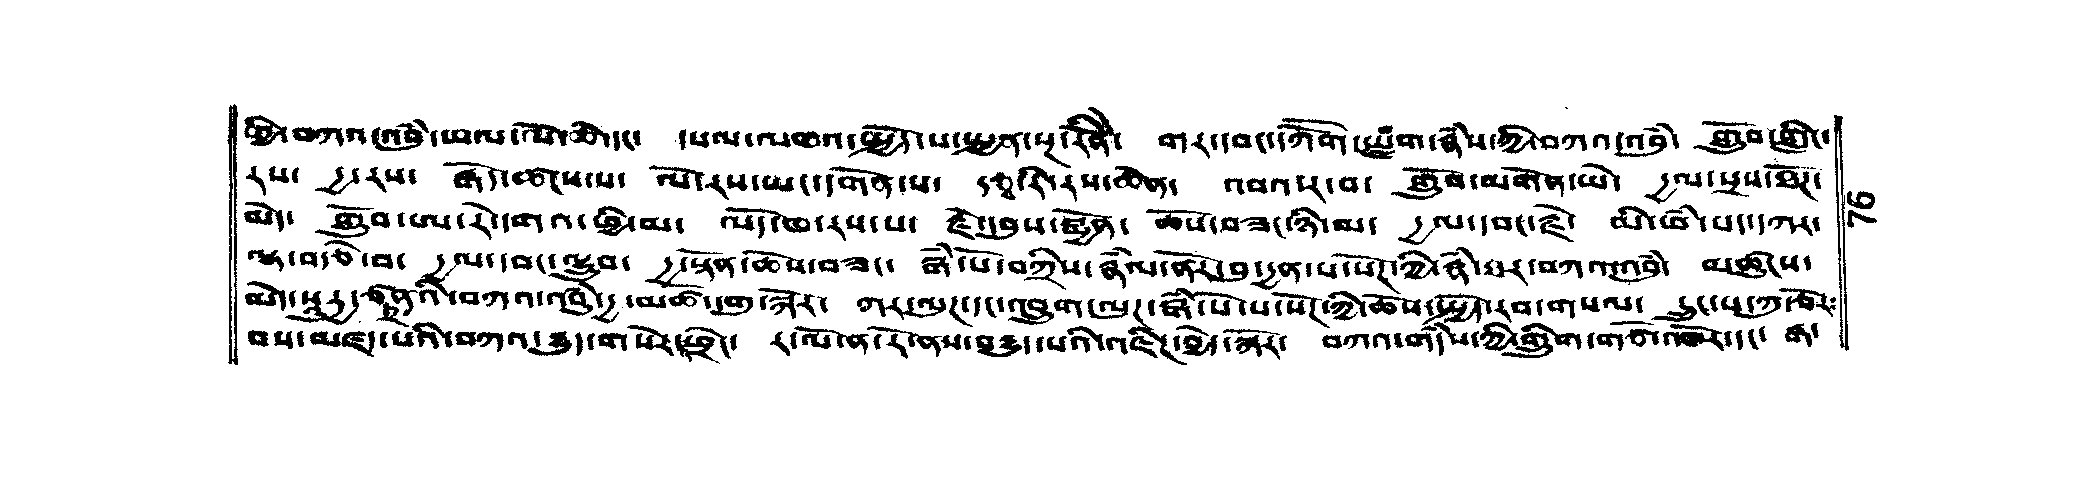གྱི་བཀའ་འབུམ་ཕལ་མོ་ཆེ་དང་། དཔལ་མཁའ་སྤྱོད་པ་སྤྱན་སྔ་རིན་པོ་ཆེ། གར་དབང་དཀོན་མཆོག་ཡན་ལག་རྣམས་ཀྱི་བཀའ་འབུམ། གྲུབ་ཐོབ་གླིང་
རས། རྒྱ་རས། རྒོད་ཚང་པ། ལོ་རས་ཡང་དགོན་པ། རྩྭ་རི་རས་ཆེན། འབའ་ར་བ། གྲུབ་ཐོབ་མགོན་ཡེ། རྒྱལ་སྲས་ཐོགས་
མེད། གྲུབ་ཐོབ་ཨ་རེ་དགའ་ཕྱི་མ། མདོ་ཁ་རས་པ། རྗེ་དབུས་སྨྱོན། ཆོས་བཟང་ཉི་མ། རྒྱལ་དབང་རྗེ། མི་ཕམ་པད་དཀར་
ལྷ་བརྩེ་བ། རྒྱལ་དབང་ལྷུན་གྲུབ། རྒྱ་སྟོན་ཆོས་བཟང་། སྒམ་པོ་བཀྲ་ཤིས་རྣམ་རྒྱལ་ནོར་བུ་རྒྱན་པ་སོགས་ཀྱི་རྣམ་ཐར་བཀའ་འབུམ། མཚུངས་
མེད་སཱུརྻ་ཙནྡྲའི་བཀའ་འབུམ་རྒྱ་མཚོ་དགུ་སྐོར། ཀར་ལུགས་དང་འབྲུག་ལུགས་སྒམ་པོ་པ་སོགས་ཀྱི་ཆོས་སྤྱོད་རབ་གསལ། དྲུང་པ་ཀུ་ཅོར་
བས་མཛད་པའི་བཀའ་རྒྱུད་གསེར་ཕྲེང་། ར་ལོ་ན་རོ་ནས་བརྒྱུད་པའི་འཇིགས་བྱེད་སྐོར། བཀའ་གདམས་ཀྱི་གྲི་གུག་གཙོ་འཁོར་དང་། རྒ་